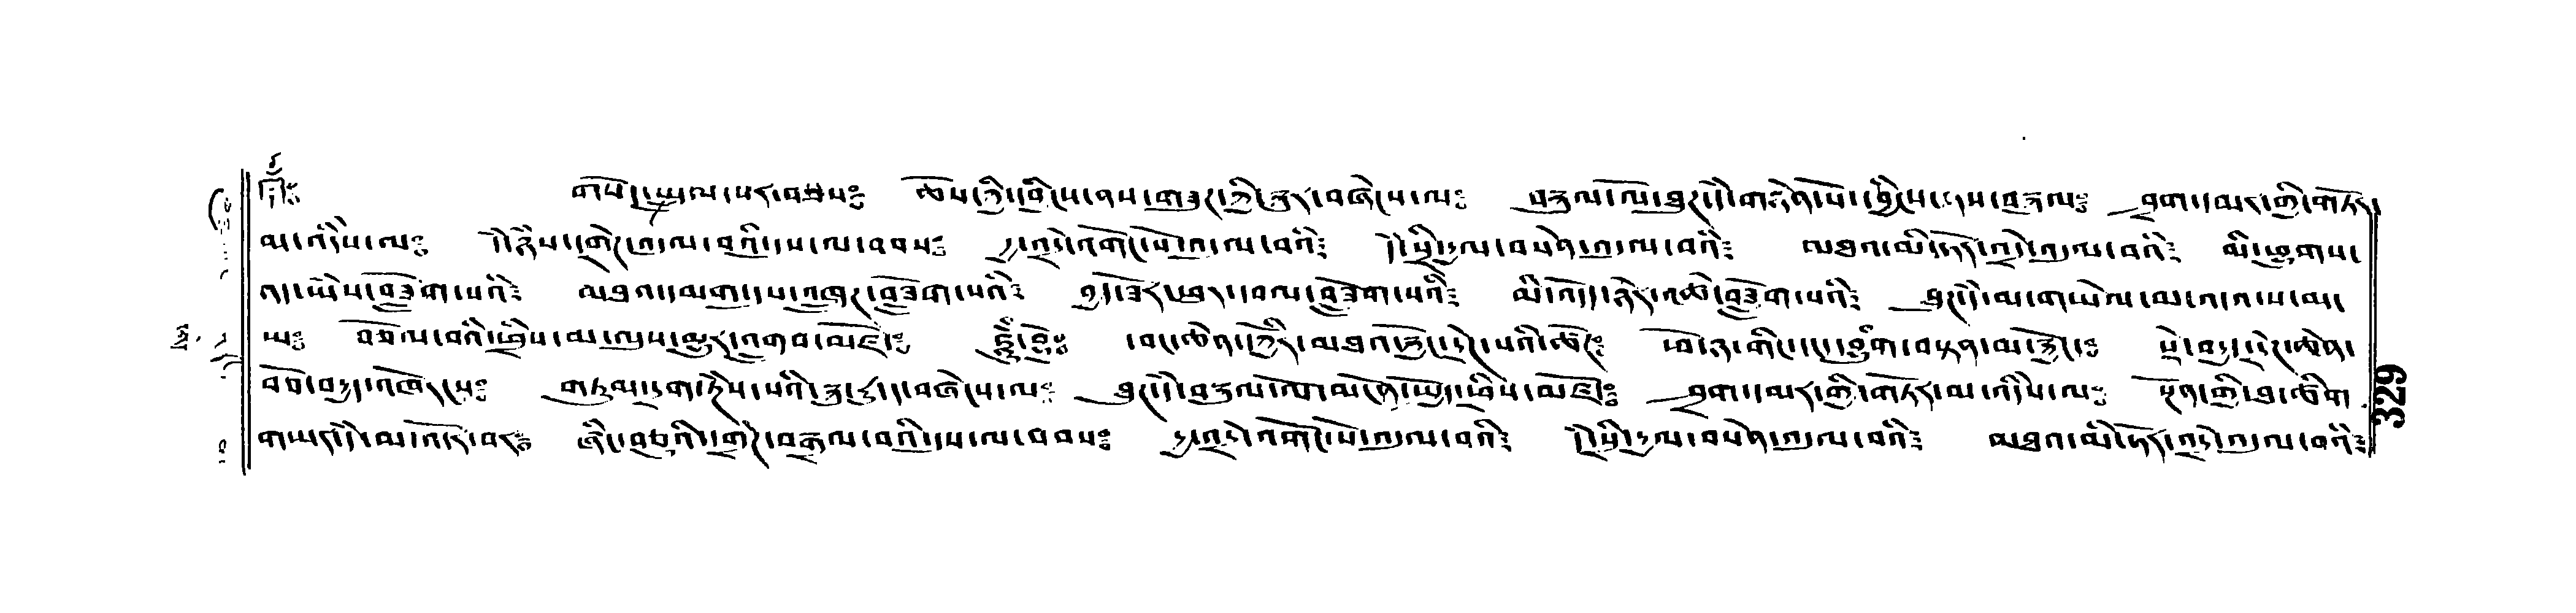གསོད་སྤྲུལ་པར་བཅས༔ ཆོས་ཀྱི་དབྱིངས་ནས་གཟུགས་ཀྱི་སྐུར་བཞེངས་ལ༔ བསྐུལ་ལོ་ཐུགས་དམ་གཉེན་པོ་དབྱིངས་ནས་བསྐུལ༔ ཤ་ཁྲག་དམར་གྱི་གཏོར་
མ་འདི་བཞེས་ལ༔ དམ་ཉམས་དགྲ་བགེགས་འདུལ་བའི་དུས་ལ་བབས༔ རྒྱ་འདྲེ་འགོང་པོ་འདུལ་བའི༴ དམ་སྲི་རྒྱལ་བསེན་འདུལ་བའི༴ མཐའ་མི་ཧོར་འདྲེ་འདུལ་བའི༴ མི་ཕྱུགས་
ནད་ཡམས་བཟློག་པའི༴ མཐའ་དམག་དུས་འཁྲུགས་བཟློག་པའི༴ བྱད་ཟོར་ཕུར་དབལ་བཟློག་པའི༴ མི་འདོད་ཉེར་འཚེ་བཟློག་པའི༴ ཐུགས་དམ་མ་གཡེལ་མ་འདའ་ས་མ་
ཡ༔ བཅོལ་བའི་ཕྲིན་ལས་མ་ལུས་མྱུར་འགྲུབ་མཛོད༔ ཧཱུྃ་བྷྱོཿ དབང་ཆེན་དཀྱིལ་འཁོར་མཐའ་སྐྱོང་དྲེགས་པའི་ཚོགས༔ ཕོ་ཉ་གིང་དང་དབང་ཕྱུག་བསྟན་མ་སྐྱོང༔ སྡེ་བརྒྱད་དྲེགས་ཆེན་
བཅོ་བརྒྱད་འཁོར་དང་བཅས༔ གཏུམ་དྲག་རྔམས་པའི་སྐུ་རུ་ད་བཞེངས་ལ༔ ཐུགས་དམ་བསྐུལ་ལོ་མངོན་སྤྱོད་ཕྲིན་ལས་མཛོད༔ ཤ་ཁྲག་དམར་གྱི་གཏོར་མ་འདི་བཞེས་ལ༔ སྔོན་གྱི་ཐ་ཚིག་
གཡར་དམ་མ་འདོར་བར༔ ཞིང་བཅུའི་དགྲ་བགེགས་བསྒྲལ་བའི་དུས་ལ་བབས༔ རྒྱ་འདྲེ་འགོང་པོ་འདུལ་བའི༴ དམ་སྲི་རྒྱལ་བསེན་འདུལ་བའི༴ མཐའ་མི་ཧོར་འདྲེ་འདུལ་བའི༴